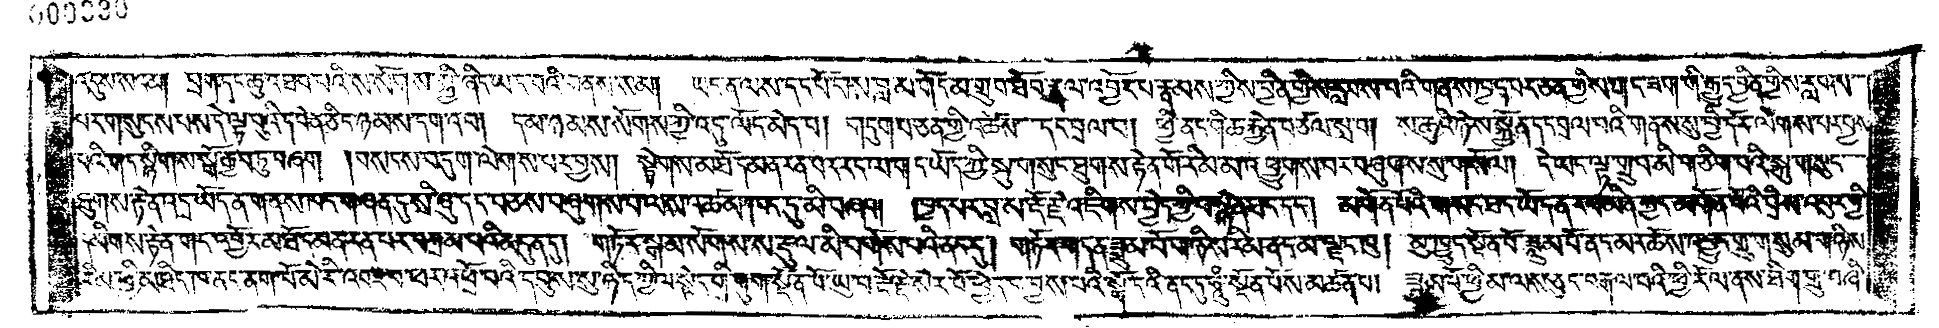འདུས་སའམ། ཕྲག་དང་ཆུ་འཐབ་པའི་ས་སོགས་སྐྱི་ཞིང་ཡང་བའི་གནས་སམ། ཡང་ན་ལས་དང་པོ་བས་བླ་མ་གོང་མ་གྲུབ་ཐོབ་རྣལ་འབྱོར་བ་རྣམས་ཀྱིས་བྱིན་གྱིས་རླབས་པའི་གནས་ཁྱད་པར་ཅན་གྱིས་གང་ཟག་གི་རྒྱུད་བྱིན་གྱིས་རླབས་
པར་གསུངས་པས་དེ་ལྟ་བུའི་དབེན་ཅིང་ཉམས་དགའ་བ། དམ་ཉམས་སོགས་ཀྱི་འདུ་ལོང་མེད་པ། གདུག་པ་ཅན་གྱི་འཚེས་དང་བྲལ་བ། ཕྱི་ནང་གི་ཆ་རྐྱེན་བཙལ་སླ་བ། ས་ཆུའི་ཉེས་སྐྱོན་དང་བྲལ་བའི་གནས་སུ་བྱི་དོར་ལེགས་པར་བྱས་
པའི་གད་སྙིགས་སྒོ་རྒྱབ་ཏུ་བཞག །བསངས་བདུག་ལེགས་པར་བྱས། སྟེགས་མཐོ་དམན་རན་པར་རང་ལ་གང་ཡོད་ཀྱི་སྐུ་གསུང་ཐུགས་རྟེན་གོ་རིམ་མ་འཕྱུགས་པར་བཞུགས་སུ་གསོལ། དེ་ཡང་ལྟ་གྲུབ་མི་གཅིག་པའི་སྐུ་གསུང་
ཐུགས་རྟེན་འདྲ་ཡོད་ན་གནས་ཁང་གཞན་དུ་སྲི་ཞུ་དང་བཅས་བཞུགས་པ་ལས་འཚམ་ཁང་དུ་མི་བཞབ། ཁྱད་པར་བླ་མ་རྡོ་རྗེ་འཇིགས་བྱེད་ཀྱི་བསྙེན་ཐང་དང་། མགོན་པོའི་གསང་ཐང་ཡོད་ན་རབ་མིན་ཀྱང་མགོན་པོའི་བྲིས་འབུར་གྱི་
དམིགས་རྟེན་གང་འབྱོར་མཐོ་དམན་རན་པར་བཀྲམ་པའི་མདུན་དུ། གཏོར་སྒམ་སོགས་ས་རྡུལ་མི་བགོས་པའི་ནང་དུ། གཏོར་གདན་ཟླུམ་པོ་གཉིས་རིམ་ནང་མ་ལྗང་ཁུ། མུ་ཁྱུད་སྔོན་པོ་ཟླུམ་པོ་ནང་མར་ཆོས་འབྱུང་གྲུ་གསུམ་གཉིས་
རིམ་ཕྱི་མཐིང་ཁ་ནང་ནག་པོ་མེ་རི་འབར་བ་ཕར་འཕྲོ་བའི་དབུས་སུ་ཉི་དཀྱིལ་སྟེང་གི་གུག་སྔོན་པོ་ཡུ་བ་རྡོ་རྗེ་སེར་པོ་ཕྱེད་པ་བྱས་པའི་སྒོ་ངའི་ནང་དུ་ཧཱུཾ་སྔོན་པོས་མཚན་པ། ཟླུམ་པོ་ཕྱི་མ་ལས་ཅུང་བརྒལ་བའི་ཕྱི་རོལ་ནས་ཐིག་གྲུ་བཞི་